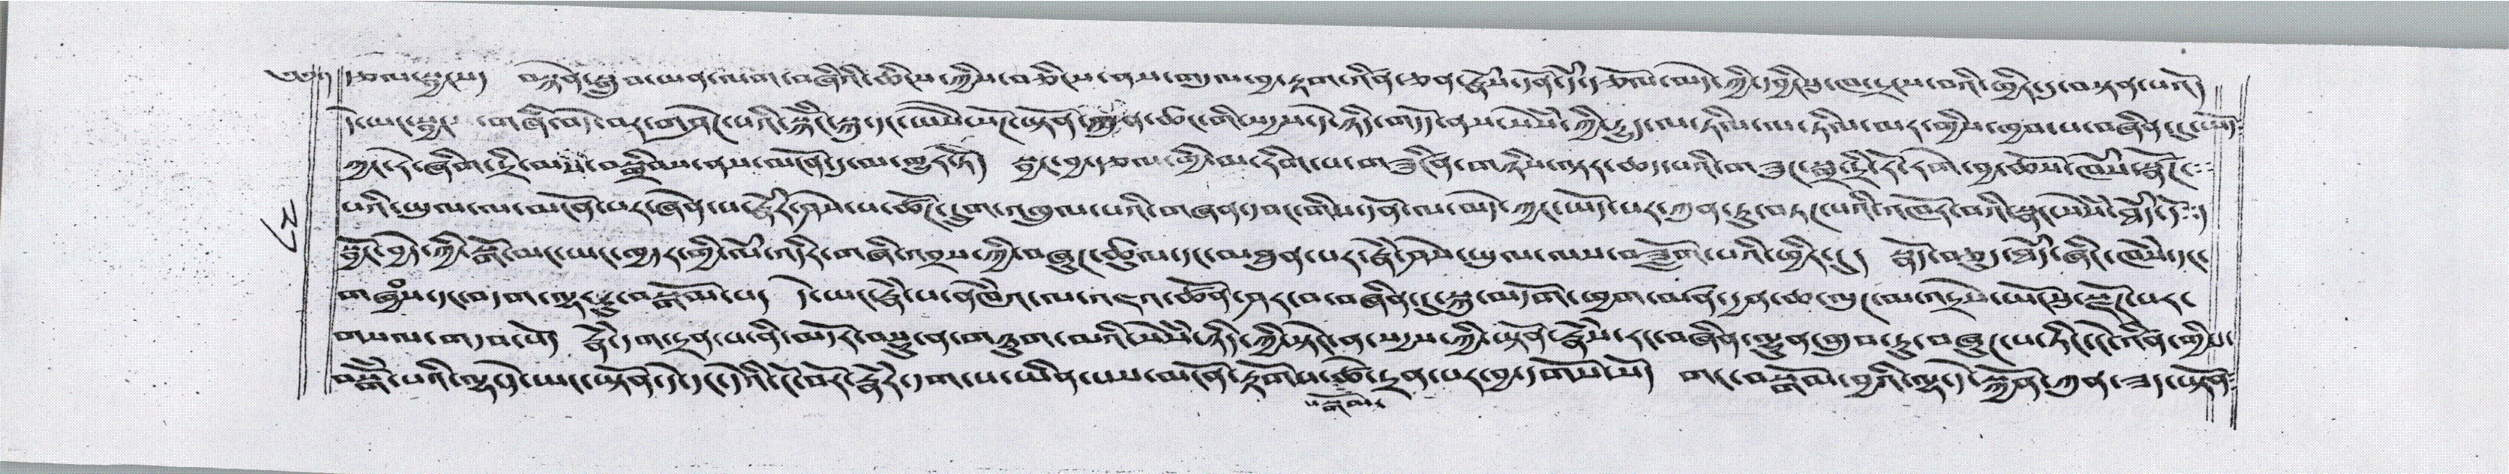རྩལ་སྦྱངས། བསྙེན་སྒྲུབ་ཡན་ལག་བཞིའི་ཆིངས་ཀྱིས་བཅིངས་ནས་གདུལ་བྱ་རྟག་འཛིན་ཅན་རྣམས་དོན་དམ་རྩོལ་མེད་ཀྱི་དབྱིངས་སུ་ཁ་དྲངས་བའི་ཕྱིར་དུ་བསྟན་པའོ། 
དེ་ཡང་སྦྱངས་གཞི་བདེ་བར་གཤེགས་པའི་སྙིང་པོ་སྐུ་དང་ཡེ་ཤེས་སོགས་ཡོན་ཏན་ཀུན་ཚང་གི་སངས་རྒྱས་དེ་ཉིད་གདོད་ནས་སེམས་ཀྱི་རྒྱུད་ལ་ཏིལ་ལ་ཏིལ་མར་གྱིས་ཁྱབ་པ་བཞིན་དུ་ཡོད་
ཀྱང་རེ་ཞིག་དྲི་མས་བསྒྲིབས་ནས་མངོན་དུ་མ་གྱུར་ཏེ། སྦྱང་བྱ་རྩལ་གྱི་མ་རིག་པ་གཟུང་འཛིན་གཉིས་ལྟར་ཆད་པའི་གཟུགས་སྒྲ་དྲི་རོ་རེག་བྱ་ཆོས་ཁམས་སྣ་ཚོགས་
པའི་ཡུལ་ལ་མངོན་པར་ཞེན་པ་རྣམ་པར་ཤེས་པ་ཚོགས་དྲུག་འཁྲུལ་པའི་གཞན་དབང་གིས་དོན་ལ་མེད་ཀྱང་ཡོད་པར་ཀུན་ཏུ་བཏགས་པའི་འཁོར་བའི་སྣང་སེམས་ཐམས་ཅད་དོ། 
སྦྱོང་བྱེད་ཀྱི་སྒོ་མང་ཡང་ཁྱད་པར་གྱི་ལམ་འདིར་གཞི་འབྲས་ཀྱི་བཞུགས་ཚུལ་དང་མཐུན་པར་རྣམ་ཤེས་ཡུལ་ལས་བཟློག་པའི་ཕྱིར་དུ། སྣོད་བཅུད་ཐམས་ཅད་ཞིང་ཁམས་དང་༼༽
གཞས་དང་བདག་ལྷ་རུ་བསྒོམ་པ། དེ་ཡང་རྣམ་པ་ནམ་མཁའ་ལ་འཇའ་ཚོན་ཤར་བ་བཞིན་དུ་སྐུ་མདོག་ཕྱག་མཚན་རྒྱན་ཆ་ལུགས་མ་འདྲེས་ཡོངས་སུ་རྫོགས་པར་
གསལ་གདབ་པོ། རྣམ་དག་དྲན་པ་ནི་མདོར་བསྡུ་ན་གཉུག་མའི་སེམས་ཉིད་ཀྱི་སྟེང་ན་སངས་རྒྱས་ཀྱི་ཡོན་ཏན་རྣམས་རང་བཞིན་ལྷུན་གྲུབ་ཏུ་བཞུགས་པ་ཏིང་ངེ་འཛིན་གྱིས་
བསྒོམ་པའི་ལྷ་དེ་ཡང་ཡོན་ཏན་དེ་དང་དེའི་ངོ་བོར་རྣམ་པར་དག་པ་ཡིན་པས་མངོན་རྟོགས་བསྒོམ་ཚེ་དྲན་པར་བྱ་དགོས་སོ། གང་བསྒོམ་བྱའི་ལྷ་དེ་སྐྱོན་ཀུན་ཟད་ཡོན་ཏན་